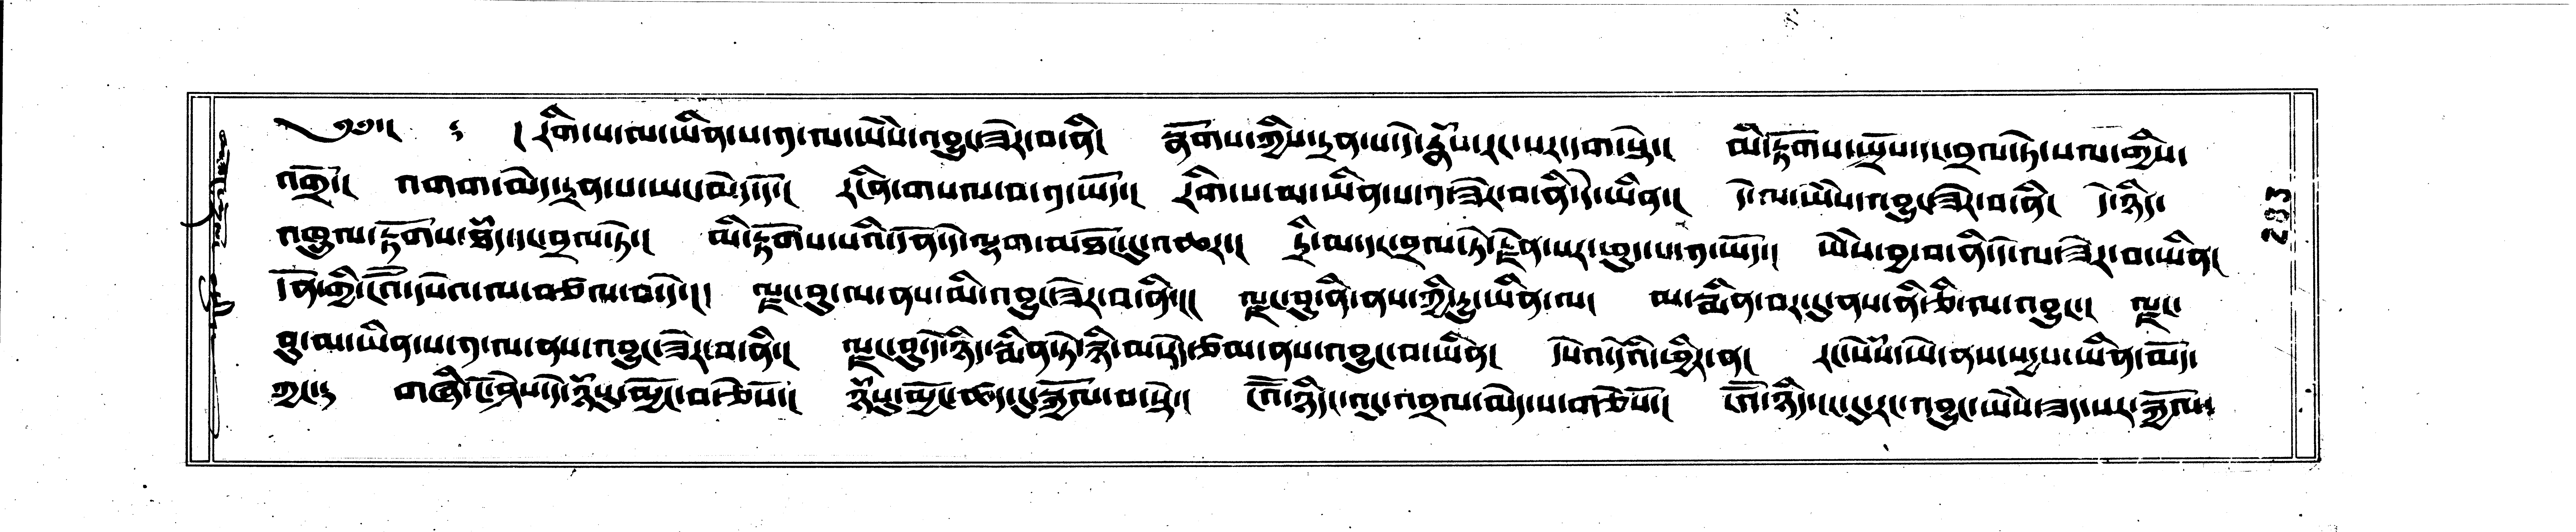རིག་པ་མ་ཡིན་པ་གཅིག་ལ་ཡེ་ཤེས་འབྱུང་ཟེར་བ་ནི། སྣ་ཚོགས་ཀྱི་དྲན་པ་དེ་རང་སར་དག་སྟེ། མི་རྟོག་སྤྲོས་དང་བྲལ་བས་རང་སར་ལས་ཀྱི་
འགྲོ། འགག་མེད་དྲན་པ་ཡང་མེད་དེ། རང་བཞིན་གྱིས་གསལ་བ་གཅིག་ཡོད། རིག་པ་མ་ཡིན་པ་གཅིག་ལ་ཟེར་བ་ནི་དེ་ཡིན། དེ་ལ་ཡེ་ཤེས་འབྱུང་ཟེར་བ་ནི། དེ་ཉིད་ཀྱིས་
འཁྲུལ་རྟོག་དང་བྲལ་ཏེ། མི་རྟོག་པའི་དོན་དེ་ལྷག་མཐོང་དུ་འཆར། དྲི་མ་དང་བྲལ་ཏེ་རྗེན་པར་ཕུད་པ་གཅིག་ཡོད། ཡེ་ཤེས་བྱ་བ་ནི་དེ་ལ་ཟེར་བ་ཡིན། 
དོན་གྱིས་ངོའོ་དཔེ་ལས་བརྩལ་ཏེ། ལྗང་བུ་ལས་ནས་མི་འབྱུང་ཟེར་བ་ནི། ལྗང་བུ་ཡེ་ནས་ནས་ཀྱིས་རྒྱུ་ཡིན་ཏེ། མ་སྨིན་བར་ལ་ནས་ཅི་ལ་འབྱུང་། ལྗང་
བུ་མ་ཡིན་པ་གཅིག་ལ་ནས་འབྱུང་ཟེར་བ་ནི། ལྗང་བུ་དེ་ཉིད་སྨིན་ཏེ། སྙི་མ་རད་ཙ་ནས་འབྱུང་བ་ཡིན། དཔེ་དེའི་ཕྱིར་ན། རང་སེམས་ཡེ་ནས་སངས་རྒྱས་ཡིན་མོད་
ཀྱང་། གཞི་ངོའོ་ཤེས་ཏེ་ཉམས་སུ་མྱོང་བ་གཅེས། ཉམས་སུ་མྱོང་ཚད་དུ་སྐྱོལ་ཏེ། ངོའོ་ཉིད་དང་འདུ་བྲལ་མེད་པ་གཅེས། ངོའོ་དེ་ཉིད་ཀྱིས་ངང་དུ་རང་འབྱུང་ཡེ་ཤེས་ཟད་པར་སྐྱོལ་